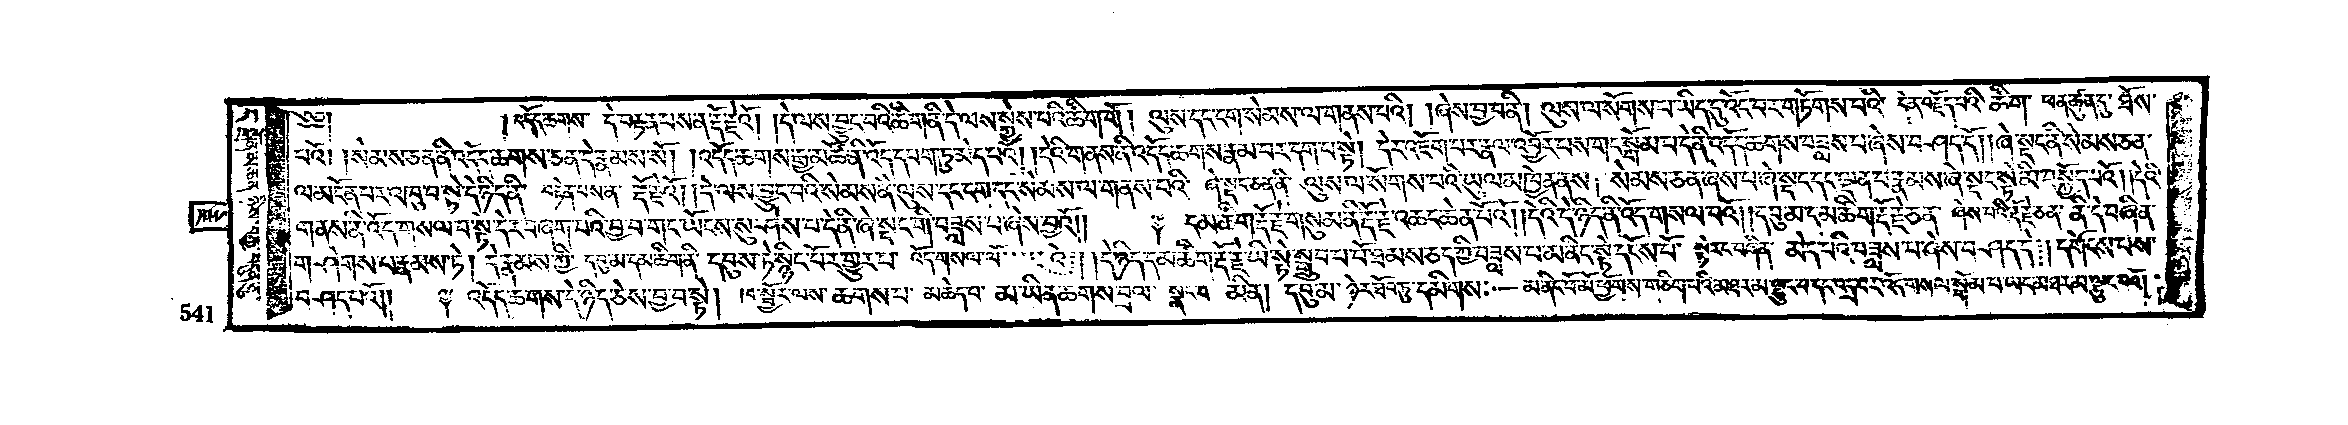༄༅། །འདོད་ཆགས་དེ་བརྟན་པས་ན་རྡོ་རྗེའོ། །དེ་ལས་བྱུང་བའི་ཚིག་ནི་དེ་ལས་སྐྱེས་པའི་ཚིག་གོ །ལུས་དང་ངག་སེམས་ལ་གནས་པའི། །ཞེས་བྱ་བ་ནི། ལུས་ལ་སོགས་པ་ཡིད་དུ་འོང་བར་གཏོགས་པའི་དོན་བརྗོད་པའི་ཚིག་ཕན་ཚུན་དུ་ཐོས་
པའོ། །སེམས་ཅན་ནི་འདོད་ཆགས་ཅན་དེ་རྣམས་སོ། །འདོད་ཆགས་རྒྱ་མཚོ་ནི་འོད་དཔག་ཏུ་མེད་པའོ། །དེའི་གནས་ནི་འདོད་ཆགས་རྣམ་པར་དག་པ་སྟེ། དེར་འཇོག་པར་རྣལ་འབྱོར་པས་གང་སྒོམ་པ་དེ་ནི་འདོད་ཆགས་བཟླས་པ་ཞེས་བཤད་དོ། །ཞེ་སྡང་ནི་སེམས་ཅན་
ལ་མངོན་པར་འཁུ་བ་སྟེ་དེ་ཉིད་ནི་བརྟེན་པས་ན་རྡོ་རྗེའོ། །དེ་ལས་བྱུང་བའི་སེམས་ནི་ལུས་དང་ངག་དང་སེམས་ལ་གནས་པའི་ཞེ་སྡང་ཅན་ནི་ལུས་ལ་སོགས་པའི་ཡུལ་མཁྱེན་ནས། སེམས་ཅན་ཞེས་པ་ཞེ་སྡང་དང་ལྡན་པ་རྣམས་ཞེ་སྡང་སྟེ་མི་བསྐྱོད་པའོ། །དེའི་
གནས་ནི་འོད་གསལ་བ་སྟེ་དེར་བཞག་པའི་བྱ་བ་གང་ཡོངས་སུ་ཤེས་པ་དེ་ནི་ཞེ་སྡང་གི་བཟླས་པ་ཞེས་བྱའོ།། ༈ དམ་ཚིག་རྡོ་རྗེ་གསུམ་ནི་རྡོ་རྗེ་འཆང་ཆེན་པོའོ། །དེའི་དེ་ཉིད་ནི་འོད་གསལ་བའོ། །དབུ་མ་དམ་ཚིག་རྡོ་རྗེ་ཅན་ཞེས་པའི་རྡོ་རྗེ་ཅན་ནི་དེ་བཞིན་
གཤེགས་པ་རྣམས་ཏེ། དེ་རྣམས་ཀྱི་དབུ་མ་དམ་ཚིག་ནི་དབུས་ཏེ་སྙིང་པོར་གྱུར་པ་འོད་གསལ་ལོའོ། །དེ་ཉིད་དམ་ཚིག་རྡོ་རྗེ་ཡི་སྟེ་སྒྲུབ་པ་པོ་ཐམས་ཅད་ཀྱི་བཟླས་པ་མ་ནིང་སྟེ་དངོས་པོ་སྟེ་རང་བཞིན་མེད་པའི་བཟླས་པ་ཞེས་བཤད་དེ། དགོངས་པས་
བཤད་པའོ།། ༈ འདོད་ཆགས་དེ་ཉིད་ཅེས་བྱ་བ་སྟེ། ཁ་སྦྱོར་ལ་ཆགས་པ་མཆེད་པ་མ་ཡིན་ཆགས་བྲལ་སྣང་བ་མིན། དབུ་མ་ཉེར་ཐོབ་ཏུ་དམིགསཿ་མ་ནིང་ཕོ་མོ་ཕྱོགས་གཅིག་པའི་མཐར་མ་ལྷུང་བ་དང་འདྲ་བར་འོད་གསལ་སྒོམ་པ་ཡང་མཐར་མ་ལྷུང་བའོ།།